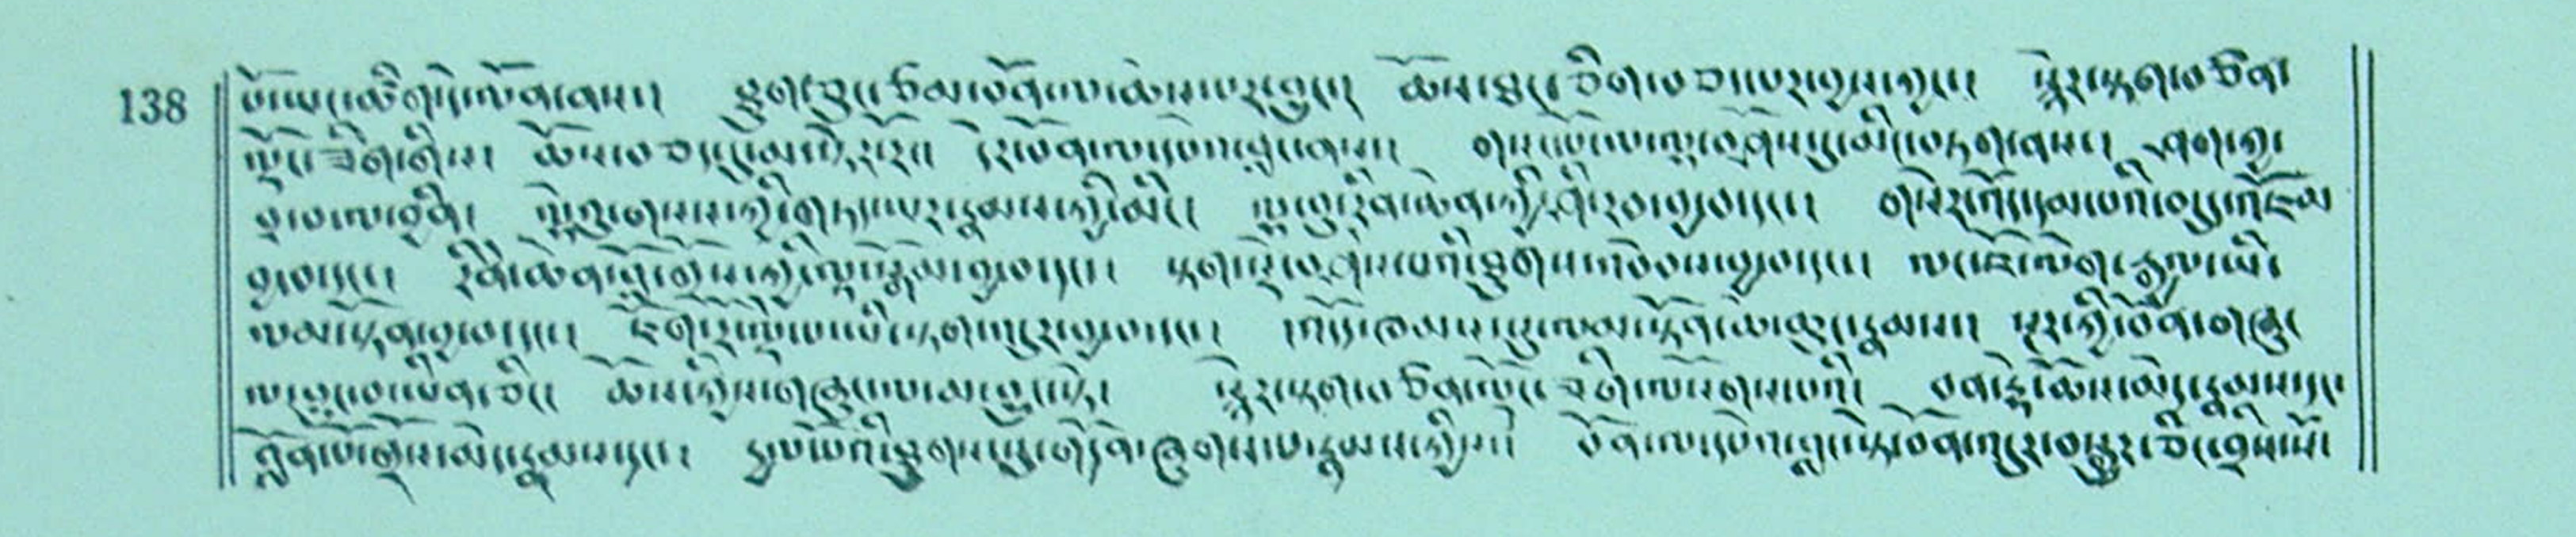པོ་ཡང་ཚིག་དེ་ལོན་ནས། ཐུགས་ཅུང་ཙམ་བོན་ལ་ཡིད་ཆེས་པར་བྱུང་། ཆོས་ཐང་ཅིག་བཅད་པར་བྱས་ཀྱང་། སྙེར་སྟག་བཙན་
ལྡོང་ཟིག་གིས། ཆོས་བཅད་དུ་མ་སྟེར་རོ། །དེར་བོན་ལ་དཔེ་བླངས་ནས། གསང་པོ་ལ་ལྷ་བཤོས་སུ་མིང་བཏགས་ནས། ཤག་ཀྱ་
བྲ་བ་ལ་བྱིན། །ལྷེའུ་གསས་ཀྱི་གཏད་ཡར་རྣམས་ཀྱི་མིང་། ལྷ་བུ་རིན་ཆེན་ཤེས་རབ་བྱ་བ་དང་། གསེར་འོད་དམ་པའི་བདུད་འཇོམས་
བྱ་བ་དང་། རིན་ཆེན་བློ་གྲོས་ཀྱི་ལྟ་སྒོམ་བྱ་བ་དང་། སྟག་སྡེ་བཤེས་པའི་ཐུགས་འབེབས་བྱ་བ་དང་། ལང་ཇོ་ལེགས་རྒྱལ་གྱི་
ལམ་སྟོན་བྱ་བ་དང་། ཇོག་རོ་ལྡེ་བ་ཡི་སྟག་འདུར་བྱ་བ་དང་། འདོད་ཁམས་སུ་ལམ་སྟོན་ཆེ་ཆུང་རྣམས། སྔར་གྱི་བོན་གཞུང་ལ་
བྱུང་བ་ཡིན་ཅིང་། ཆོས་ཀྱི་གཞུང་ལ་མ་བྱུང་སྟེ། སྙེར་སྟག་བཙན་ལྡོང་ཅིག་ལས་སོགས་པའི། བན་དྷེ་ཆོས་མེད་རྣམས་དང་། 
བློན་པོ་གྲོས་མེད་རྣམས་དང་། རྒྱལ་བོའི་ཐུགས་སུ་གདོན་ཞུགས་པ་རྣམས་ཀྱིས། བོན་ལ་དཔེ་བླང་སྟེ་བོན་འདུར་བསྒྱུར་ཅིང་བྲིས་སོ།